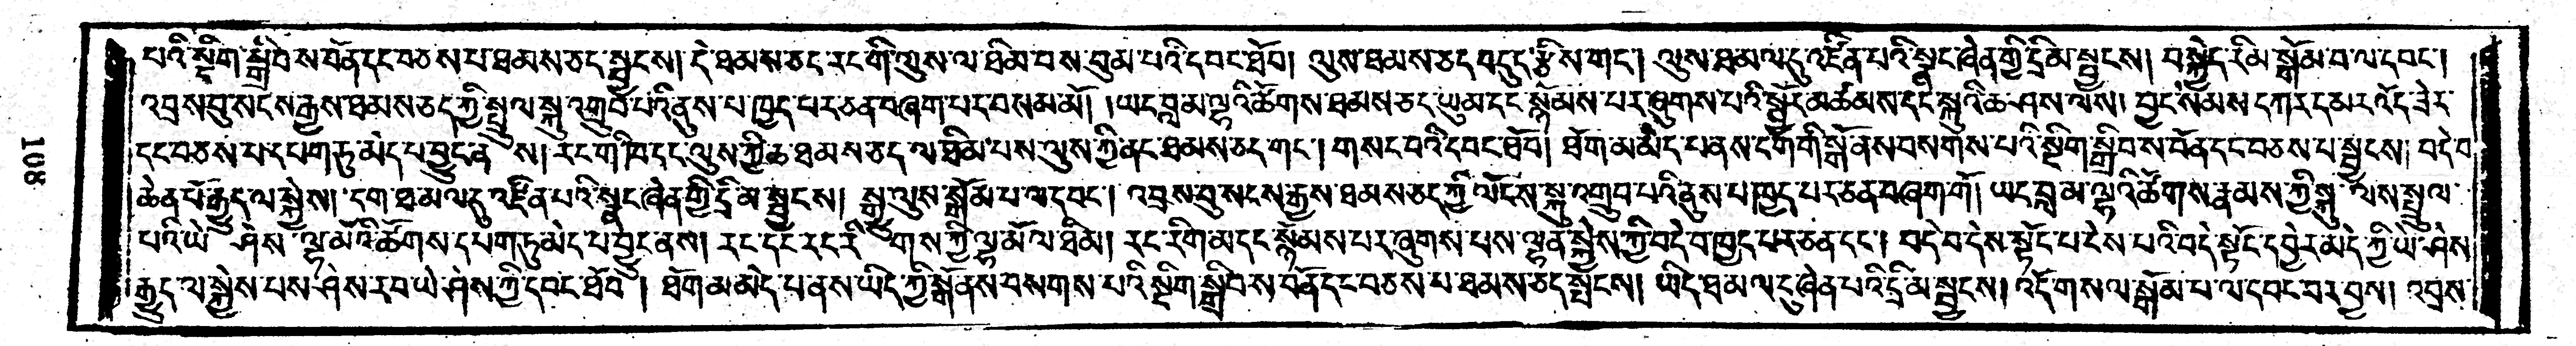པའི་སྡིག་སྒྲིབ་ས་བོན་དང་བཅས་པ་ཐམས་ཅད་སྦྱངས། དེ་ཐམས་ཅད་རང་གི་ལུས་ལ་ཐིམ་པས་བུམ་པའི་དབང་ཐོབ། ལུས་ཐམས་ཅད་བདུད་རྩིས་གང་། ལུས་ཐ་མལ་དུ་འཛིན་པའི་སྣང་ཞེན་གྱི་དྲི་མ་སྦྱངས། བསྐྱེད་རིམ་སྒོམ་བ་ལ་དབང་།
འབྲས་བུ་སངས་རྒྱས་ཐམས་ཅད་ཀྱི་སྤྲུལ་སྐུ་འགྲུབ་པའི་ནུས་པ་ཁྱད་པར་ཅན་བཞག་པར་བསམ་མོ། །ཡང་བླ་མ་ལྷའི་ཚོགས་ཐམས་ཅད་ཡུམ་དང་སྙོམས་པར་ཞུགས་པའི་སྦྱོར་མཚམས་དང་སྐུའི་ཆ་ཤས་ལས། བྱང་སེམས་དཀར་དམར་འོད་ཟེར་
དང་བཅས་པ་དཔག་ཏུ་མེད་པ་བྱུང་ནས། རང་གི་ཁ་དང་ལུས་ཀྱི་ཆ་ཐམས་ཅད་ལ་ཐིམ་པས་ལུས་ཀྱི་ནང་ཐམས་ཅད་གང་། གསང་བའི་དབང་ཐོབ། ཐོག་མ་མེད་པ་ནས་ངག་གི་སྒོ་ནས་བསགས་པའི་སྡིག་སྒྲིབ་ས་བོན་དང་བཅས་པ་སྦྱངས། བདེ་བ་
ཆེན་པོ་རྒྱུད་ལ་སྐྱེས། དག་ཐ་མ་ལ་དུ་འཛིན་པའི་སྣང་ཞེན་གྱི་དྲི་མ་སྦྱངས། སྒྱུ་ལུས་སྒོམ་པ་ལ་དབང་། འབྲས་བུ་སངས་རྒྱས་ཐམས་ཅད་ཀྱི་ལོངས་སྐུ་འགྲུབ་པའི་ནུས་པ་ཁྱད་པར་ཅན་བཞག་གོ། ཡང་བླ་མ་ལྷའི་ཚོགས་རྣམས་ཀྱི་སྐུ་ལས་སྤྲུལ་
པའི་ཡེ་ཤེས་ལྷ་མོའི་ཚོགས་དཔག་ཏུ་མེད་པ་བྱུང་ནས། རང་དང་རང་རི་གས་ཀྱི་ལྷ་མོ་ལ་ཐིམ། རང་རིག་མ་དང་སྙོམས་པར་ཞུགས་པས་ལྷན་སྐྱེས་ཀྱི་བདེ་བ་ཁྱད་པར་ཅན་དང་། བདེ་བ་དེས་སྟོང་པ་ངེས་པའི་བདེ་སྟོང་དབྱེར་མེད་ཀྱི་ཡེ་ཤེས་
རྒྱུད་ལ་སྐྱེས་པས་ཤེས་རབ་ཡེ་ཤེས་ཀྱི་དབང་ཐོབ། ཐོག་མ་མེད་པ་ནས་ཡིད་ཀྱི་སྒོ་ནས་བསགས་པའི་སྡིག་སྒྲིབ་ས་བོན་དང་བཅས་པ་ཐམས་ཅད་སྤངས། ཡིད་ཐ་མ་ལ་དུ་ཞེན་པའི་དྲི་མ་སྦྱངས། འོད་གསལ་སྒོམ་པ་ལ་དབང་བར་བྱས། འབྲས་